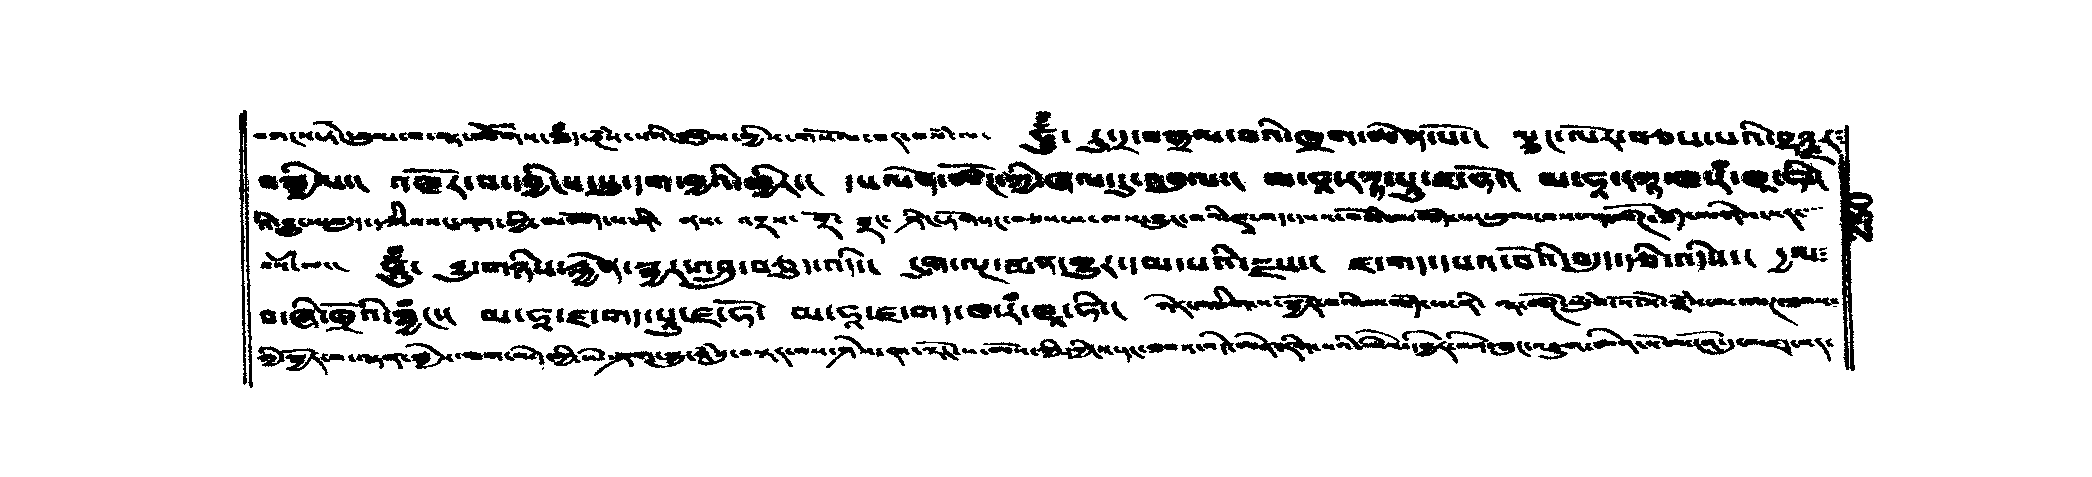བཀང་སྟེ་ཕུལ་བ་ལྷ་ཚོགས་ཐམས་ཅད་རྔམས་པའི་ཚུལ་གྱིས་གསོལ་བར་བསམ་ལ། ཧཱུྃ། རུ་དྲ་བསྒྲལ་བའི་ཁྲག་ཆེན་པོ། ། ལྕང་ལོར་བཅས་པའི་བྷཉྫར་
བསྐྱིལ། །འཁོར་བ་དབྱིངས་སུ་དག་བྱའི་ཕྱིར། །དཔལ་ཆེན་ཚོགས་ཀྱི་ཞལ་དུ་འབུལ། །མ་ཧཱ་རཀྟ་ཁ་རྃ་ཁཱ་ཧི། 
ཉི་ཤུ་པ་བདུད་རྩི་བསང་ནན་གྱི་མཆོད་པ་ནི། ནས། འབྲས། གྲོ་སྦྲང་། ཤིང་ཏོག་དང་བཅས་པ་ལས་བའི་ཛྭ་གད་དཔའ་བོའི་མཆོད་པ་ཕུལ་བས་ལྷ་ཚོགས་ཐམས་ཅད་མཉེས་པར་
བསམ་ལ། ཧཱུྃ། རྒྱུ་གཉིས་རྐྱེན་སྦྱར་འབྲུ་བཅུད་འདི། །དུག་ལྔ་སྨན་གྱུར་དམ་པའི་རྫས། །ཛ་གད་དཔའ་བོའི་བདུད་རྩི་འདིས། །རྒྱལ་
བ་ཞི་ཁྲོའི་ཐུགས་དམ་བསྐང་། །མ་ཧཱ་ཛ་གད་པཱུ་ཛ་ཧོ། མ་ཧཱ་ཛ་གད་ཁ་རྃ་ཁཱ་ཧི། ཉེར་གཅིག་པ་སྦྱོར་བའི་མཆོད་པ་ནི།ལྷ་ཚོགས་ཡབ་ཡུམ་སོ་སོ་རྣམས་མ་ཆགས་ཐབས་
ཀྱི་སྦྱོར་བ་ལྷན་སྐྱེས་ཟག་མེད་ཀྱི་ཡེ་ཤག་ཉམས་སུ་བསྟར་བས་ཤེས་རབ་སྟོང་པ་ཆོས་ཀྱི་དབྱིངས་དང་ཐབས་ཐབས་བདེ་ཆེན་རིག་པའི་ཡེ་ཤེས་དབྱེར་མེད་ཟུང་འཇུག་ཆེན་པོ་མངོན་དུ་མཛད་པར་